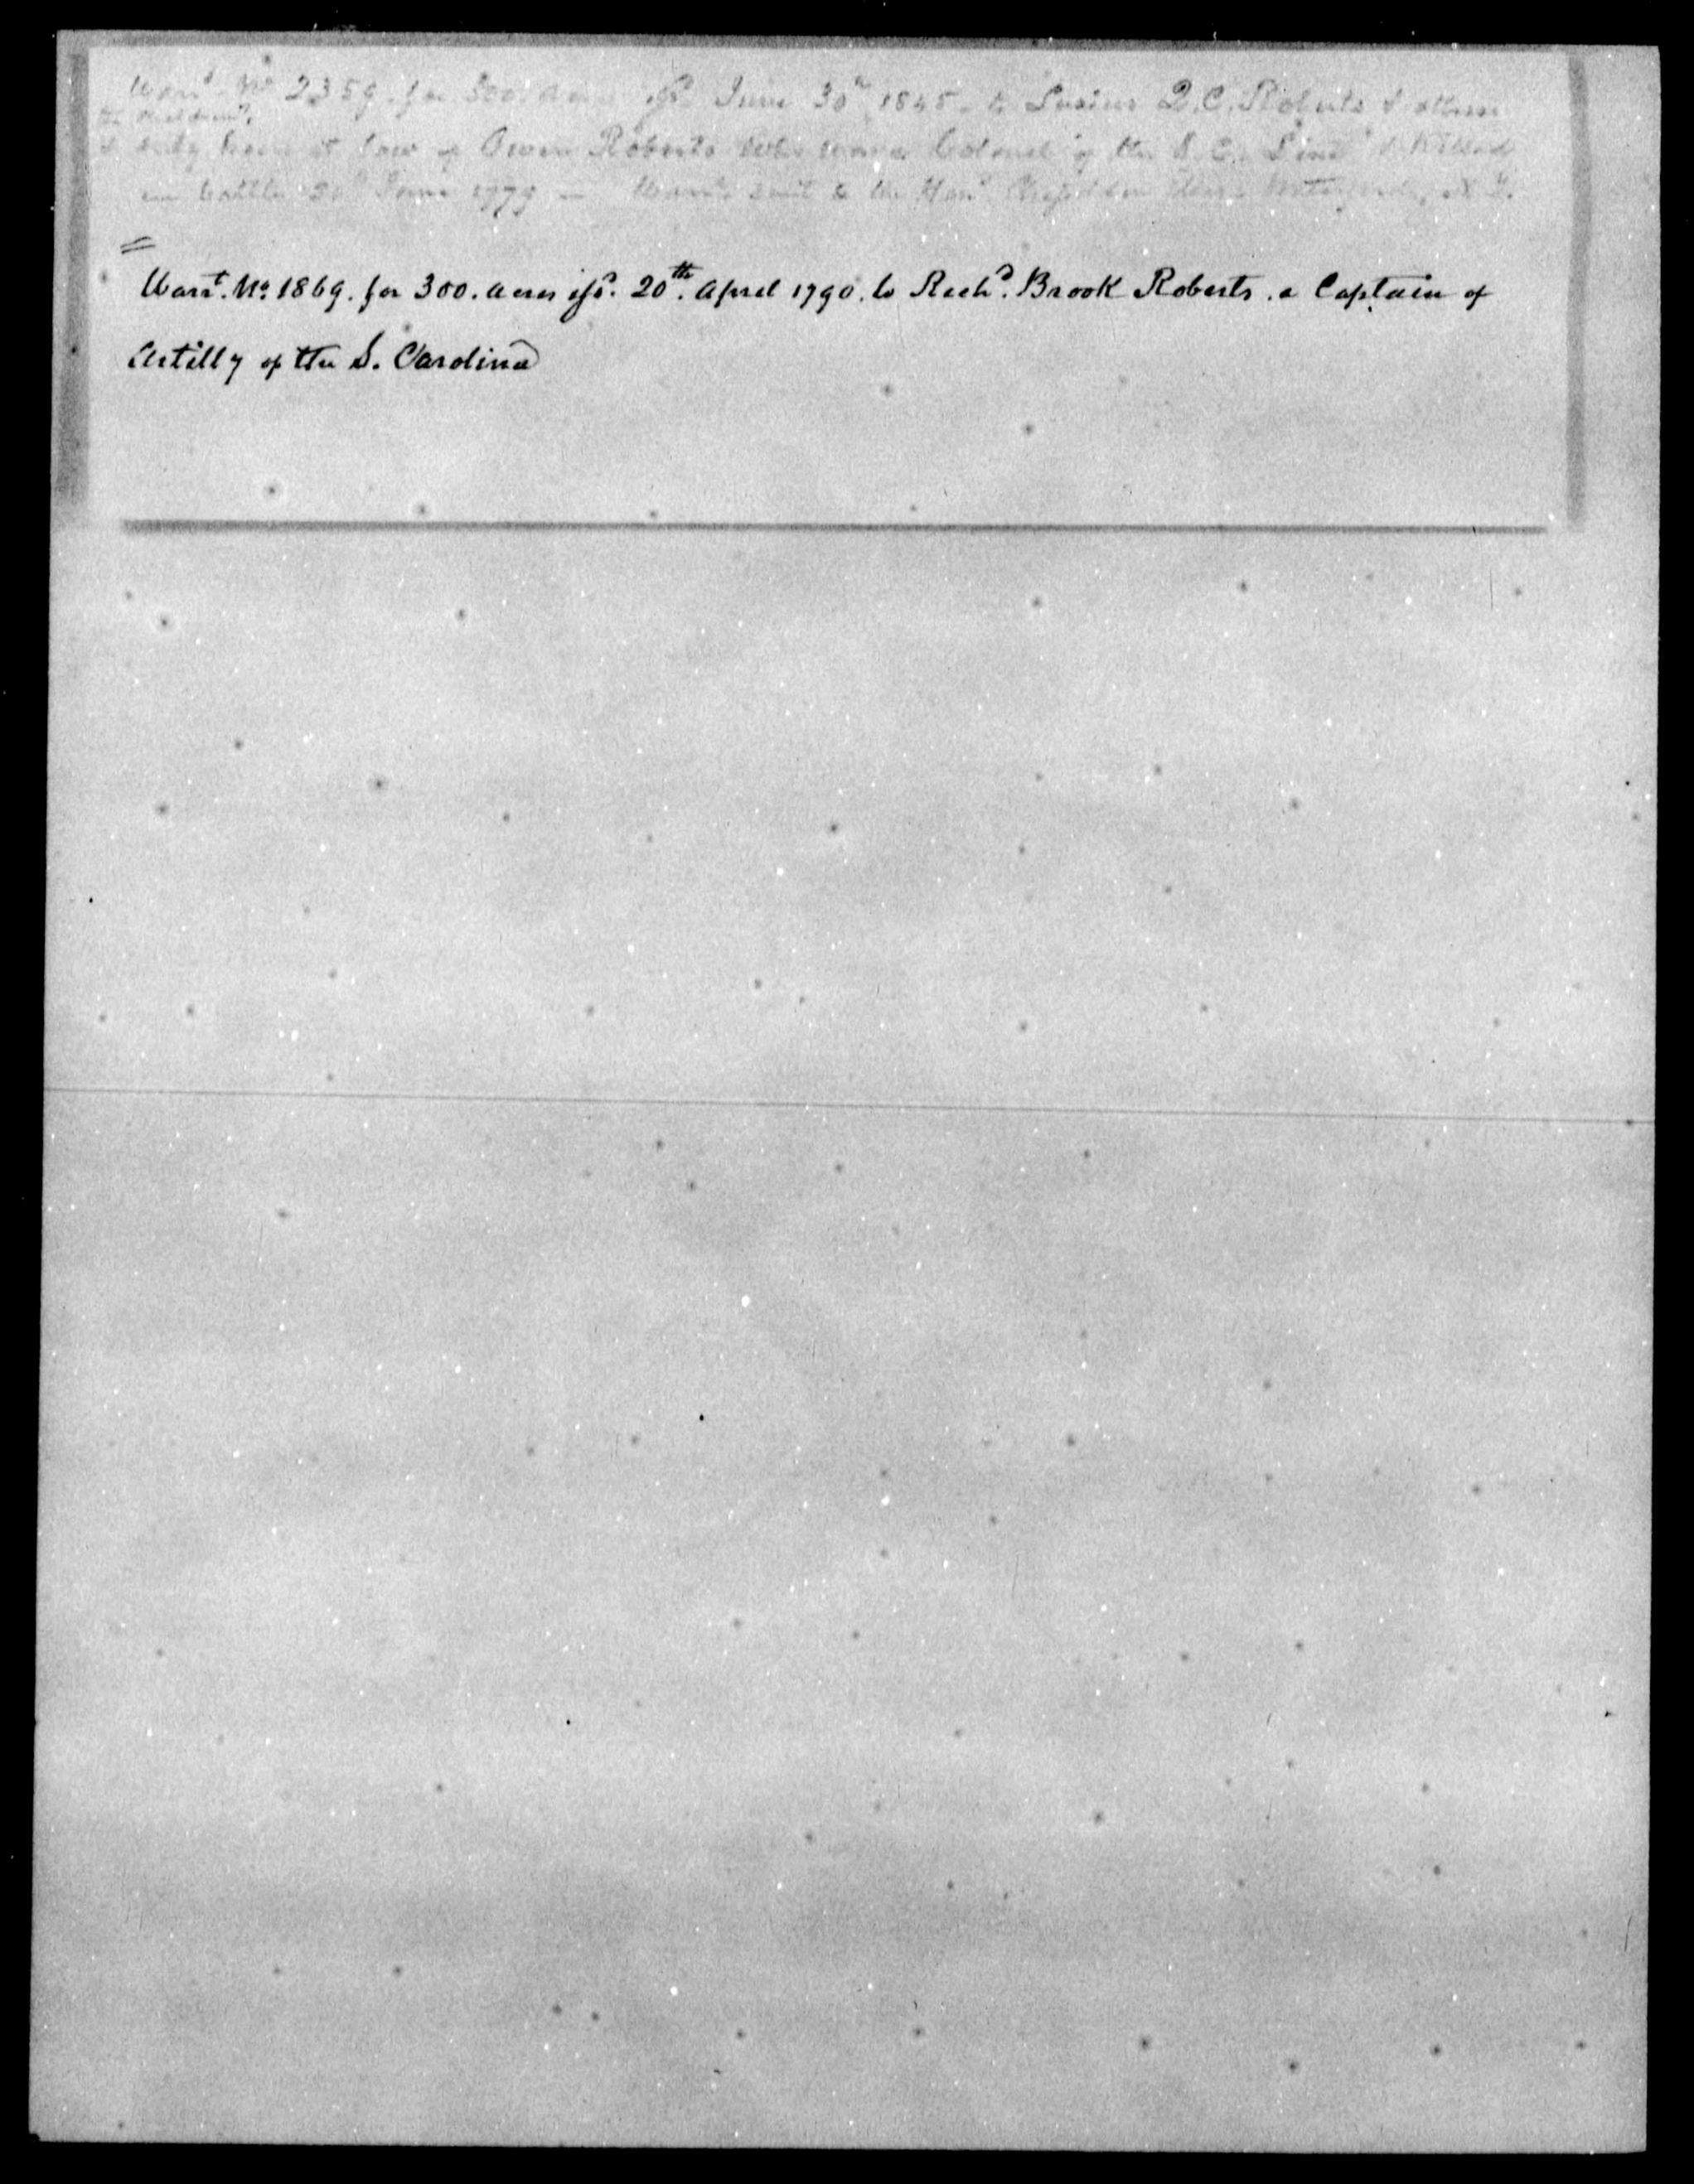Warrant No. 2359 for 500 acres issued June 30th 1845 to Lucius Q.C. Roberts & [others?]
[illegible] heirs at law of Owen Roberts who was a Colonel of the S.C. Line & killed
in battle 30th June 1779 - [might say] warrant sent to the Hon. [illegible] in Waterford, N.Y.

Warrant No. 1869 for 300 acres issued 20th April 1790 to Richd. Brook Roberts, a Captain 
of Artillery of the S. Carolina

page: 29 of 59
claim: bounty land warrant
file: B.L.Wt. 2359-500, for Owen Roberts, South Carolina